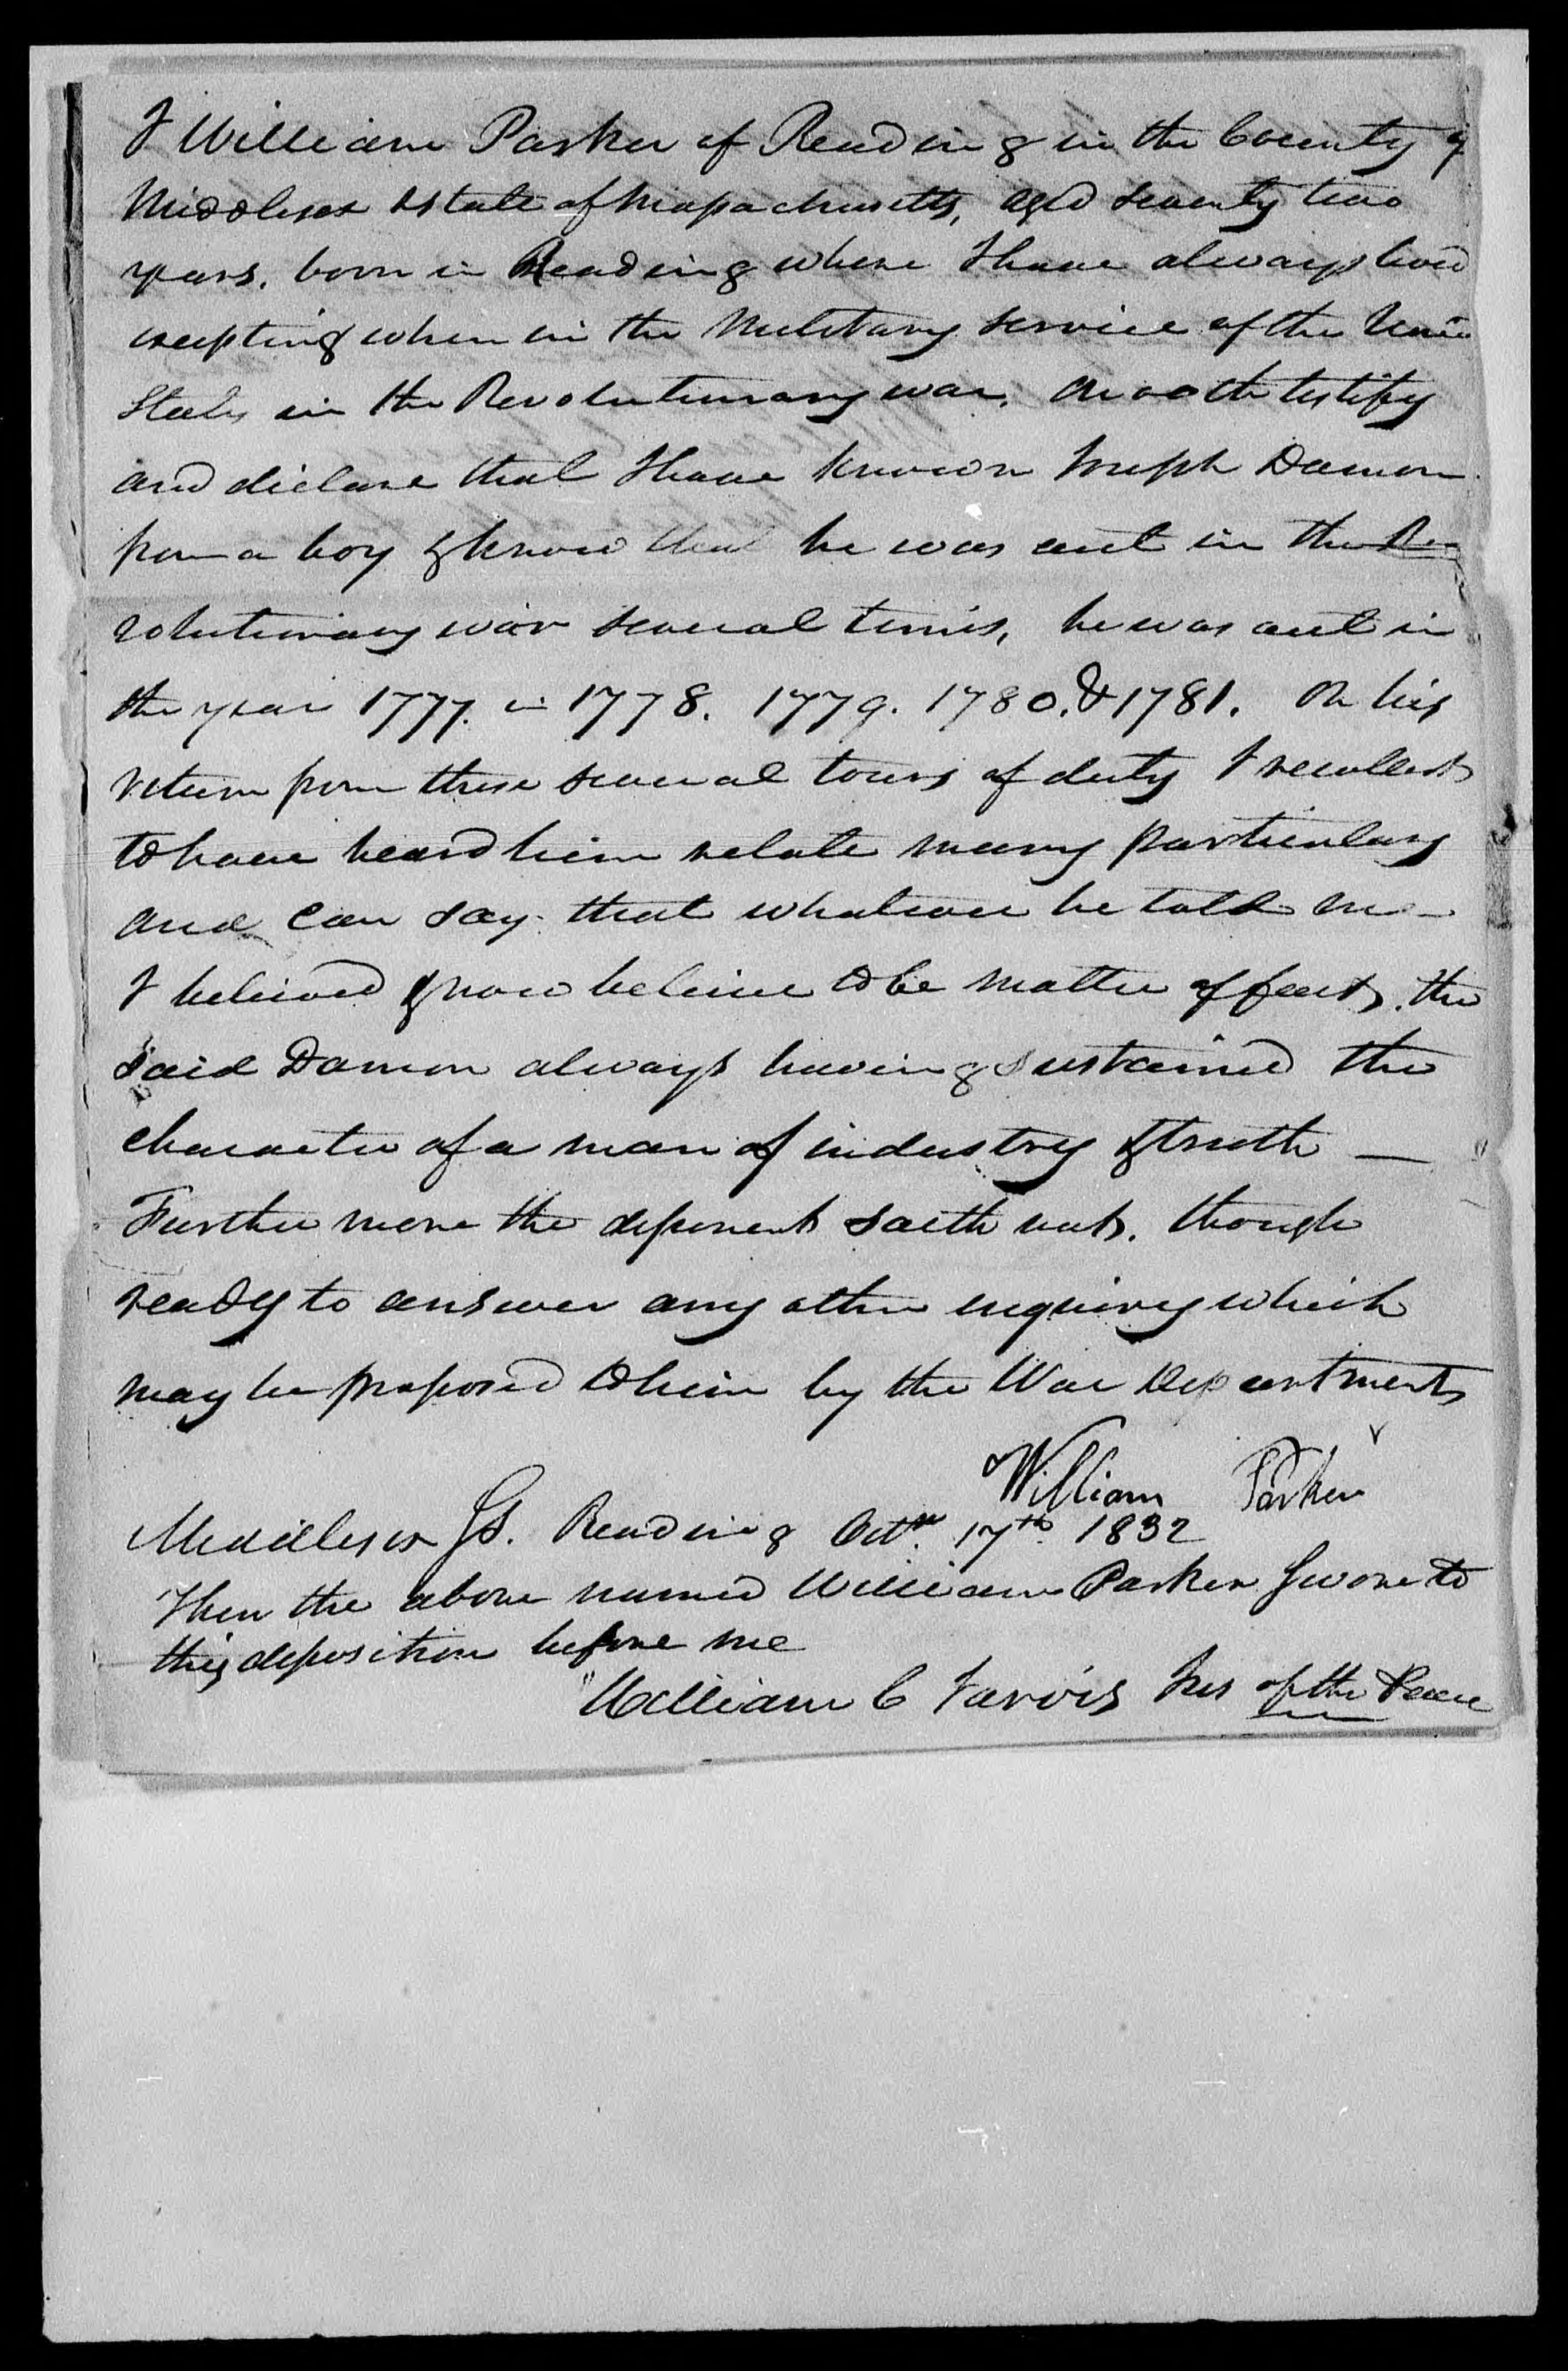I William Parker of Reading in the County of Middlesex & state of Massachusetts, aged seventy two years born in Reading where I have always lived excepting when in the Military Service of the United States in the Revolutionary war. On oath testify and declare that I have known Joseph Damon from a boy & know that he was out in the Revolutionary war several times. He was out in the year 1777 - 1778. 1779. 1780. & 1781. On his return from these several tours of duty I recollect to have heard him relate many particulars and can say that whatever he told me I believed & now believe to be matter of fact, the said Damon always having sustained the character of a man of industry & truth - 
Furthermore the deponent saith not though ready to answer any other inquiry which may be proposed to him by the War Department
William Parker
Middlesex ss. Reading Oct 17th 1832 
Then the above named William Parker swore to this deposition before me
William C Jarvis  Jus of the Peace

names: William Parker, William Parker, William Parker, Damon, Joseph Damon, William C Jarvis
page: 21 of 28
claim: survivor's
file: S. 17376, Joseph Damon, Continental Mass.